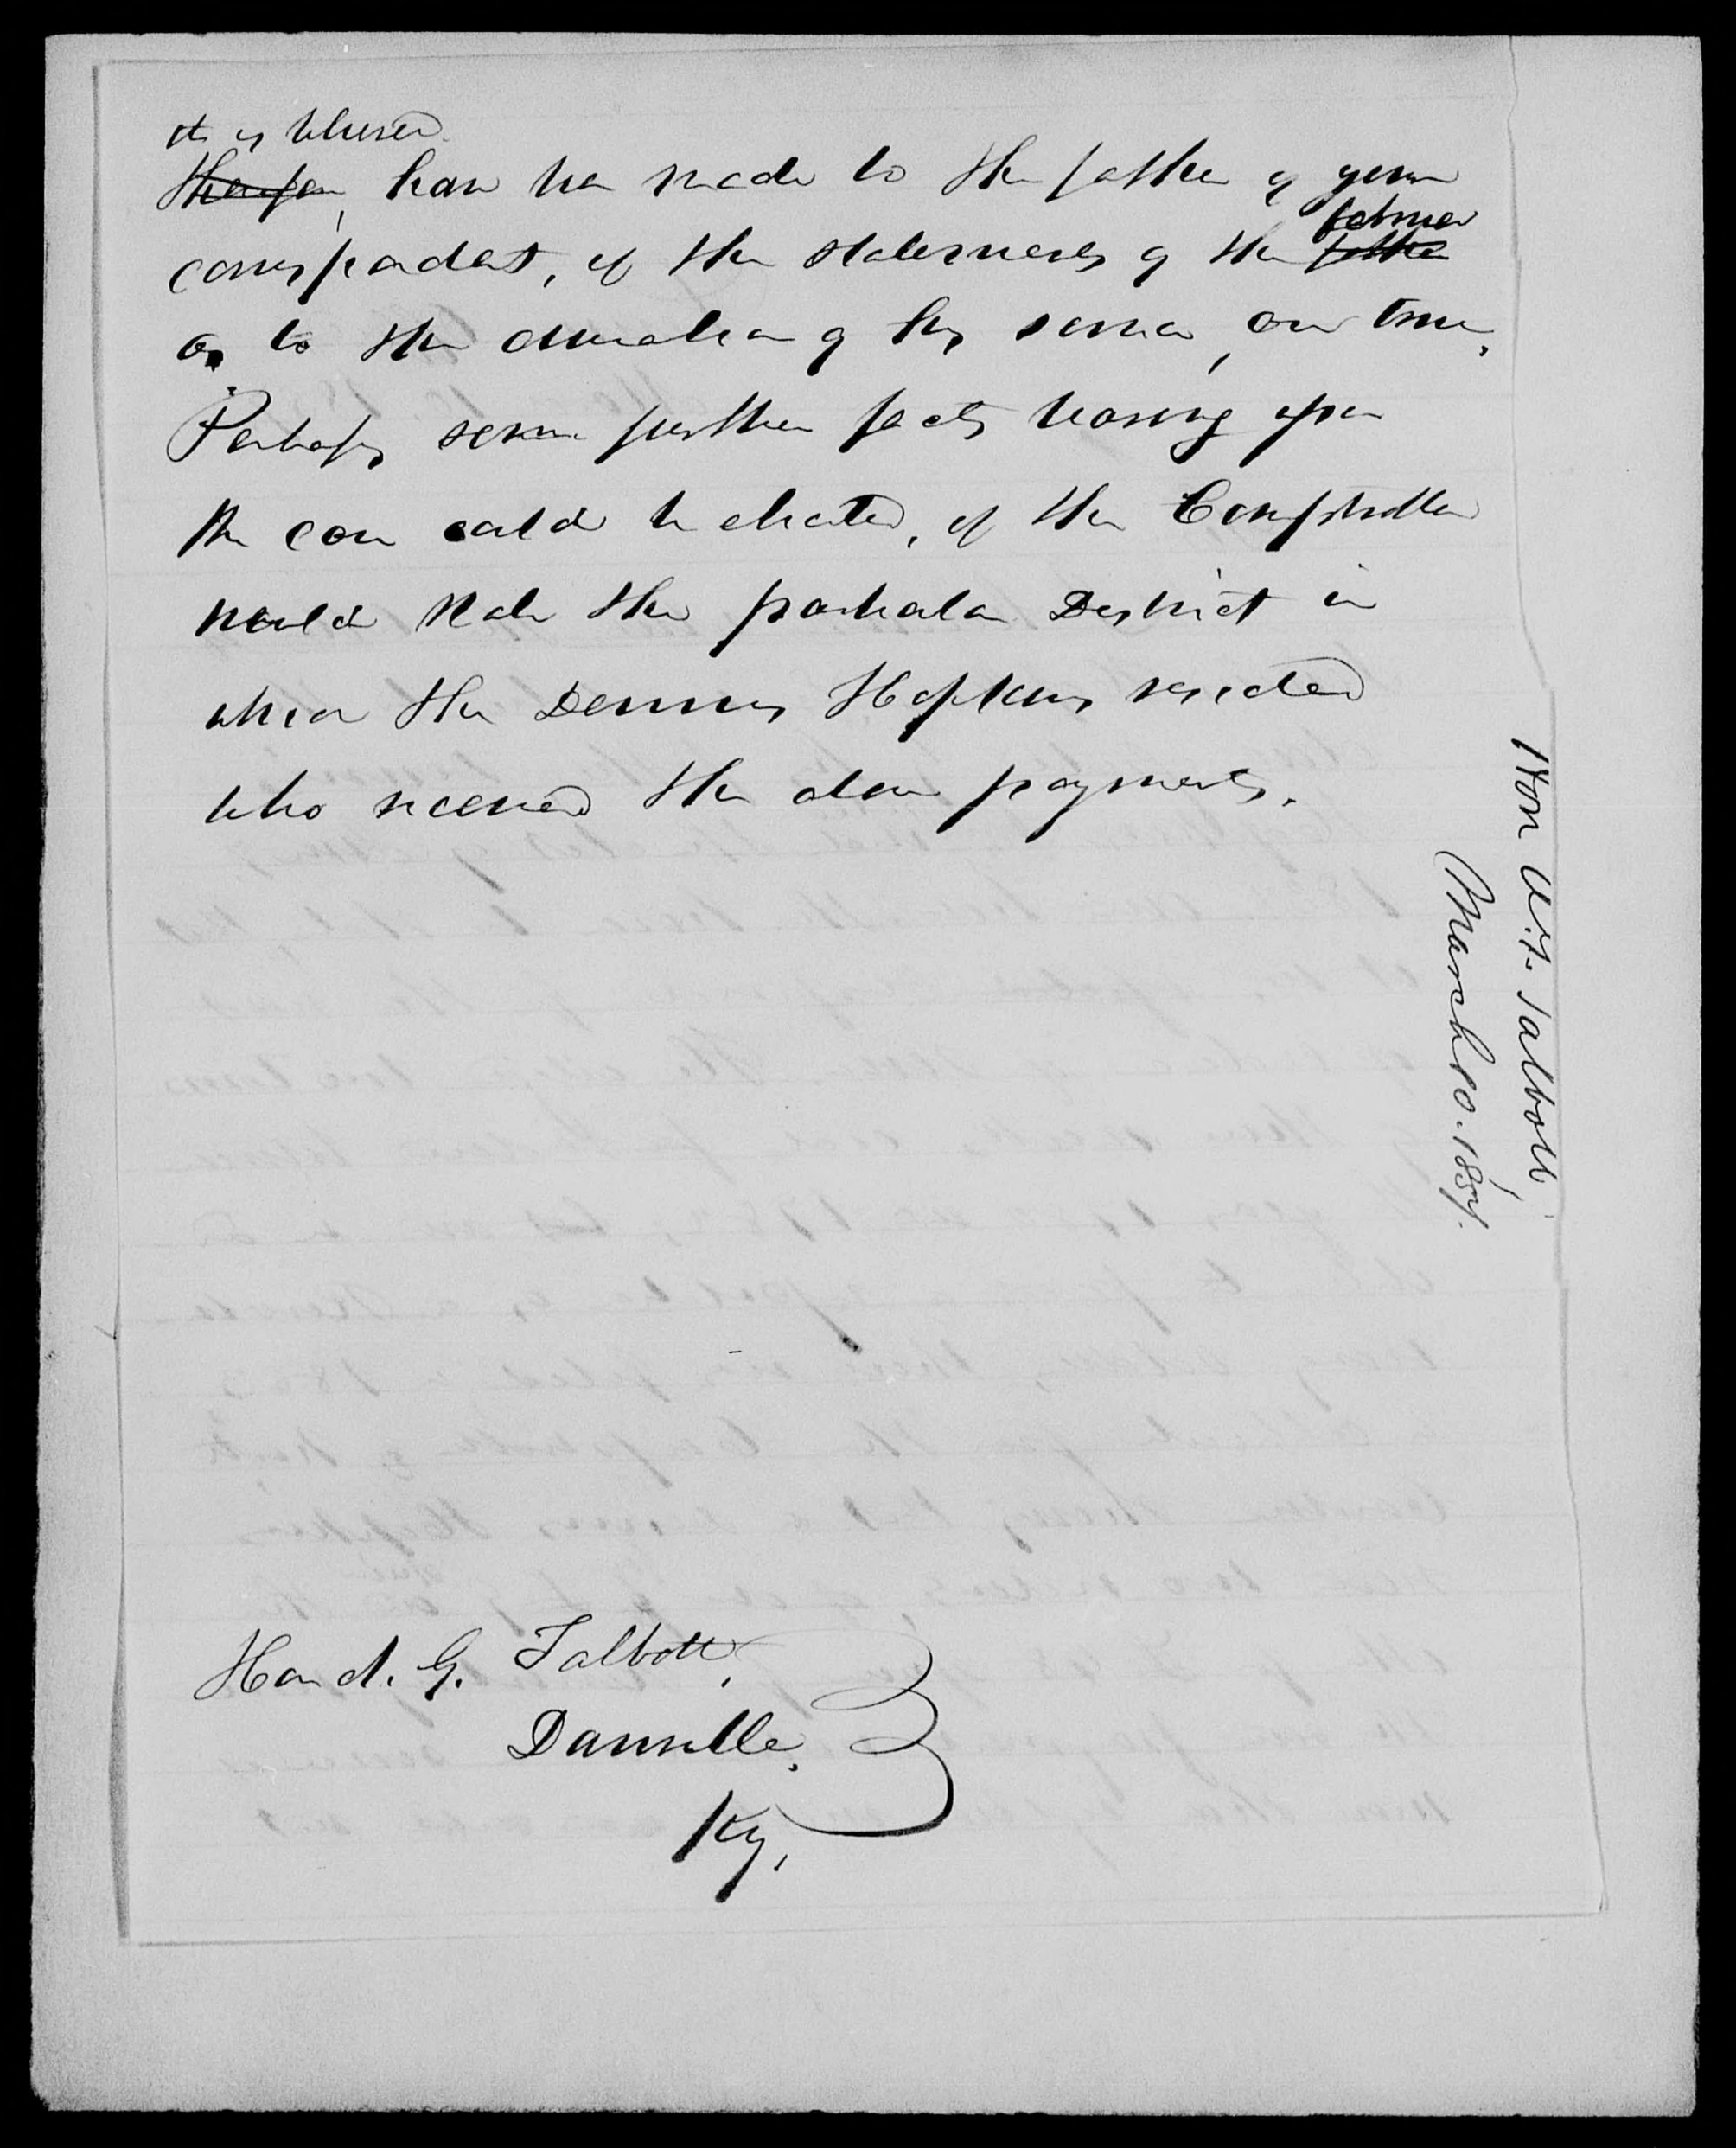it is believed has he needs to the father of your correspondent, if the statements of the [illegible] [illegibile] to the duration of his service [illegibile] time. Perhaps some further facts leaving open the [illegible] could be charted. if the Comptroller would [illegible] the [illegible] District in which the Dennis Hopkins resided who received theabove payments. 
Hon A. G. Talbott
March 10, 1854
Danville

Hon A.G. Talbott
Danville
Ky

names: Dennis Hopkins, A G Talbott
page: 33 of 144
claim: rejected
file: R. 5208, Dennis Hopkins, N.C.